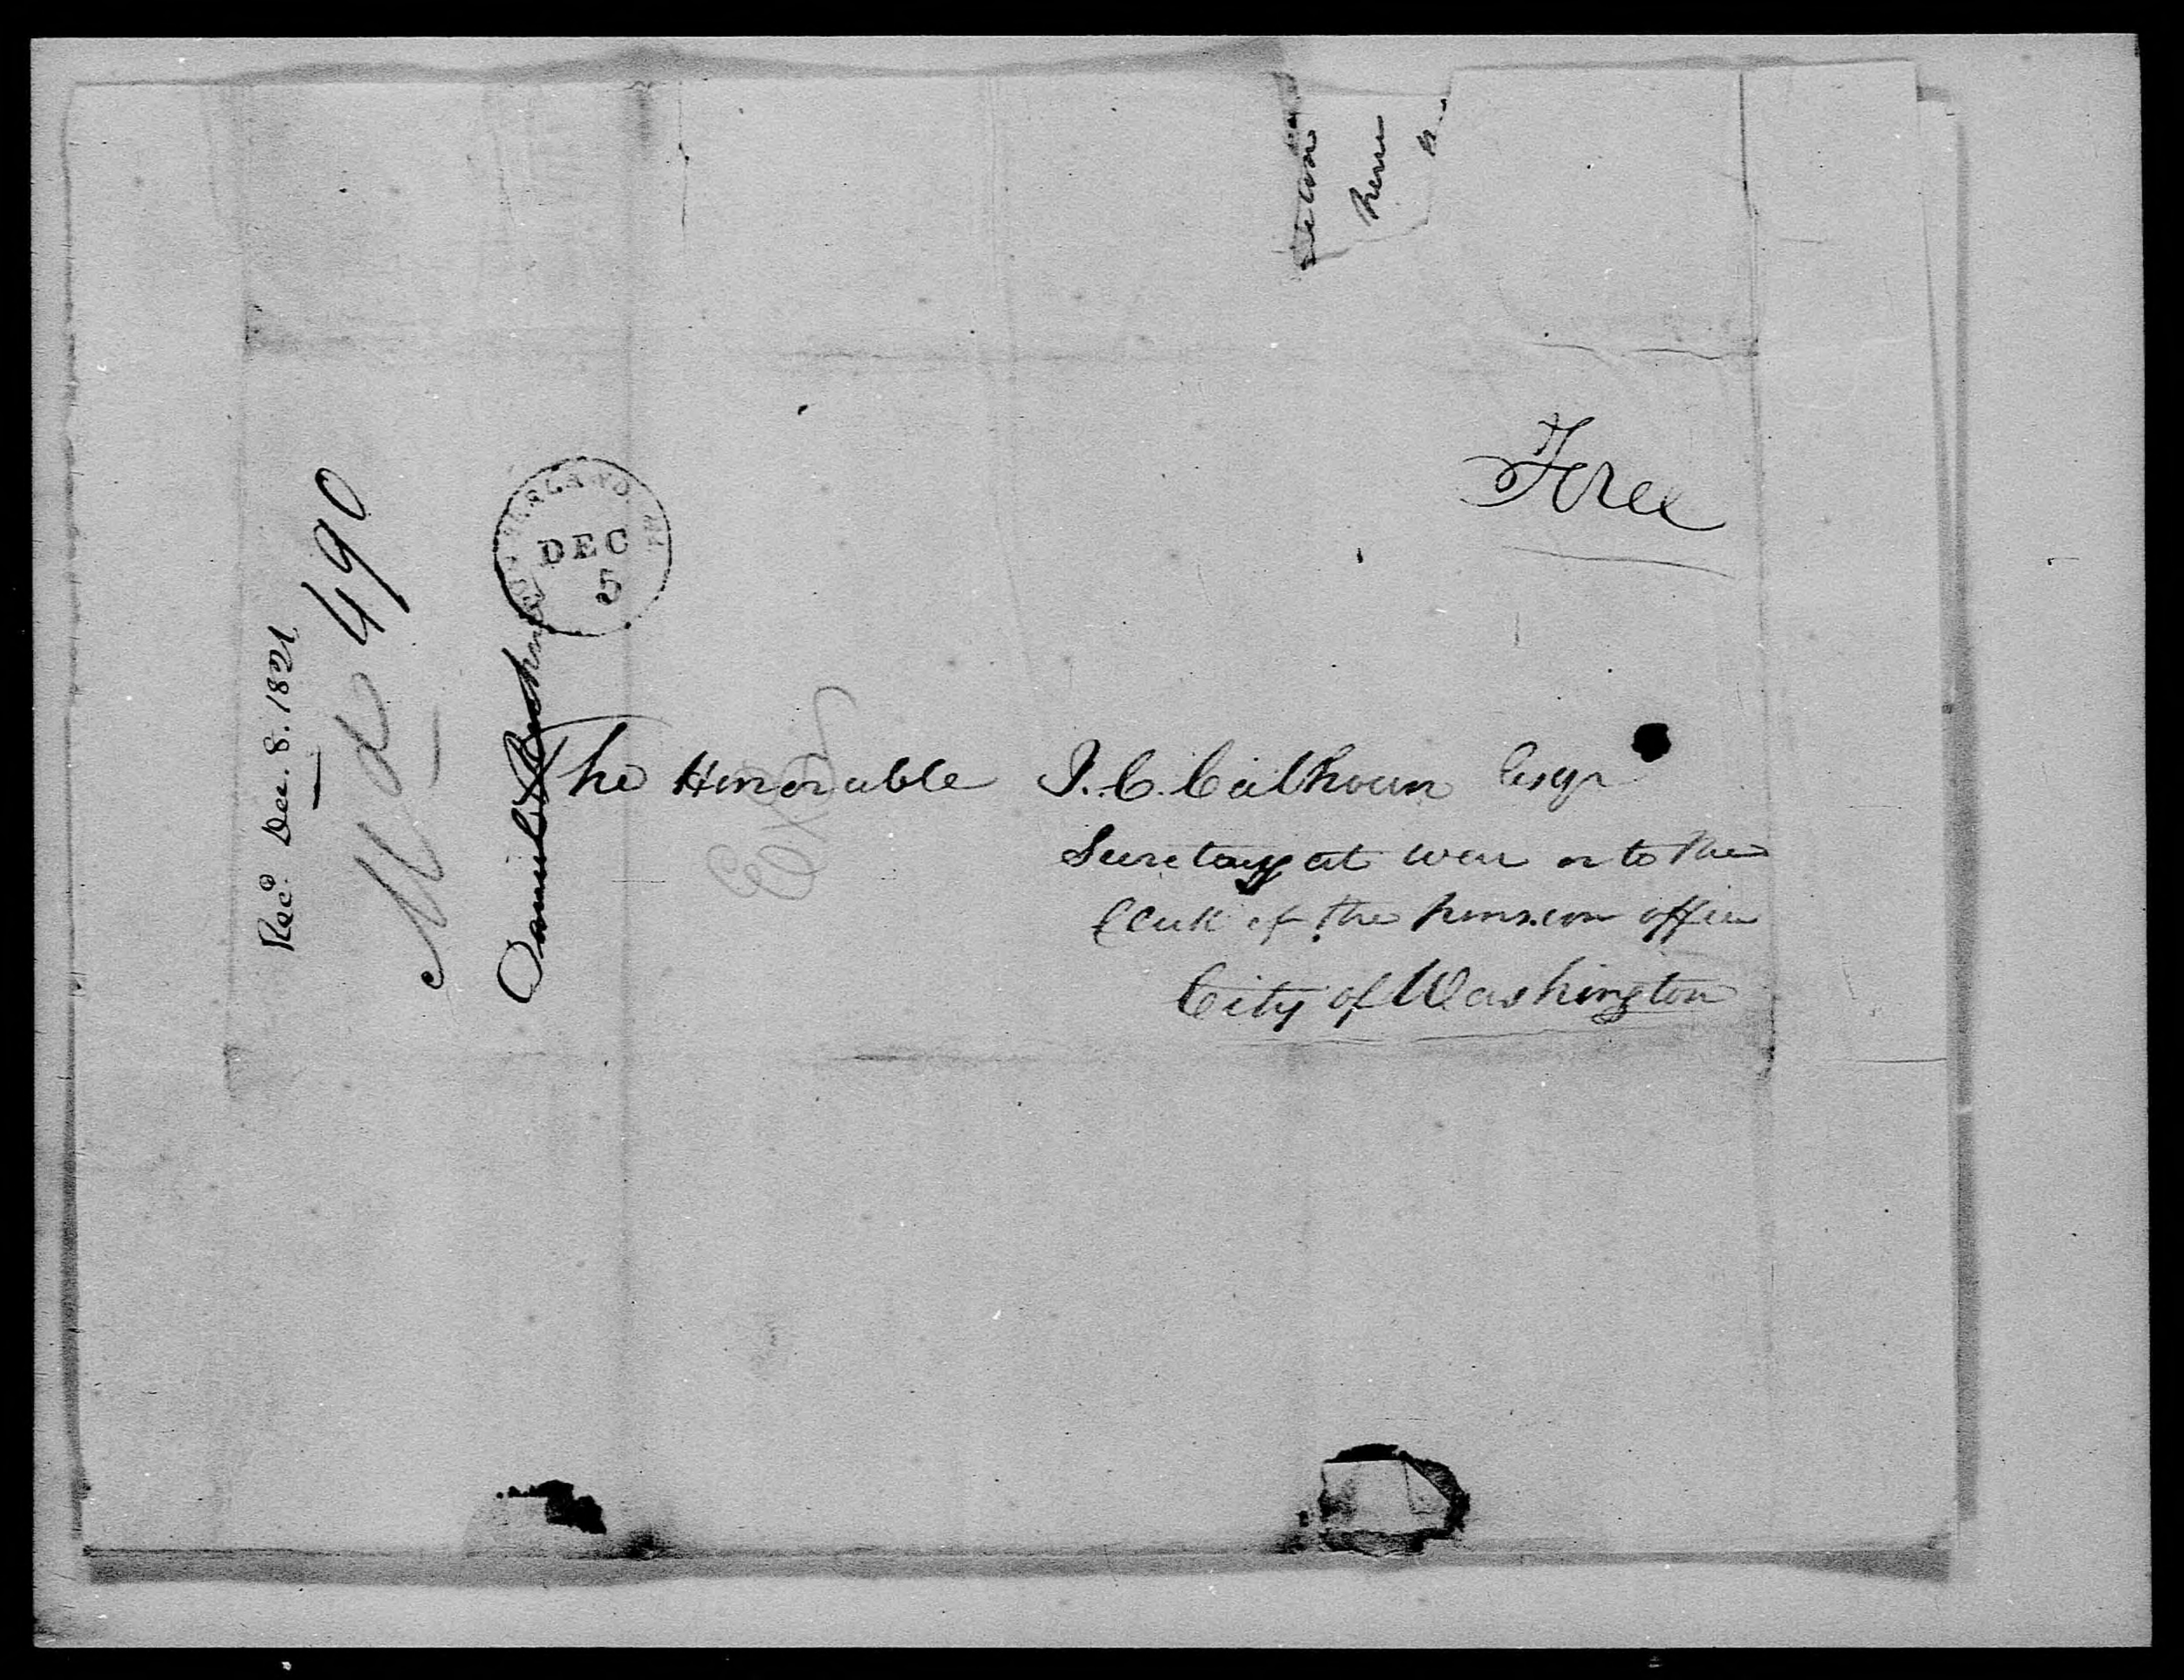Free
Free

Recd. Dec. 8. 1821
Md 490

Cumberland Md. DEC 5

The Honorable J. C, Calhoun Esqr
Secretary at war or to the Clerk of the Pension office
City of Washington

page: 21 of 25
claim: survivor's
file: S. 35093, for Richard R Tasker, Maryland